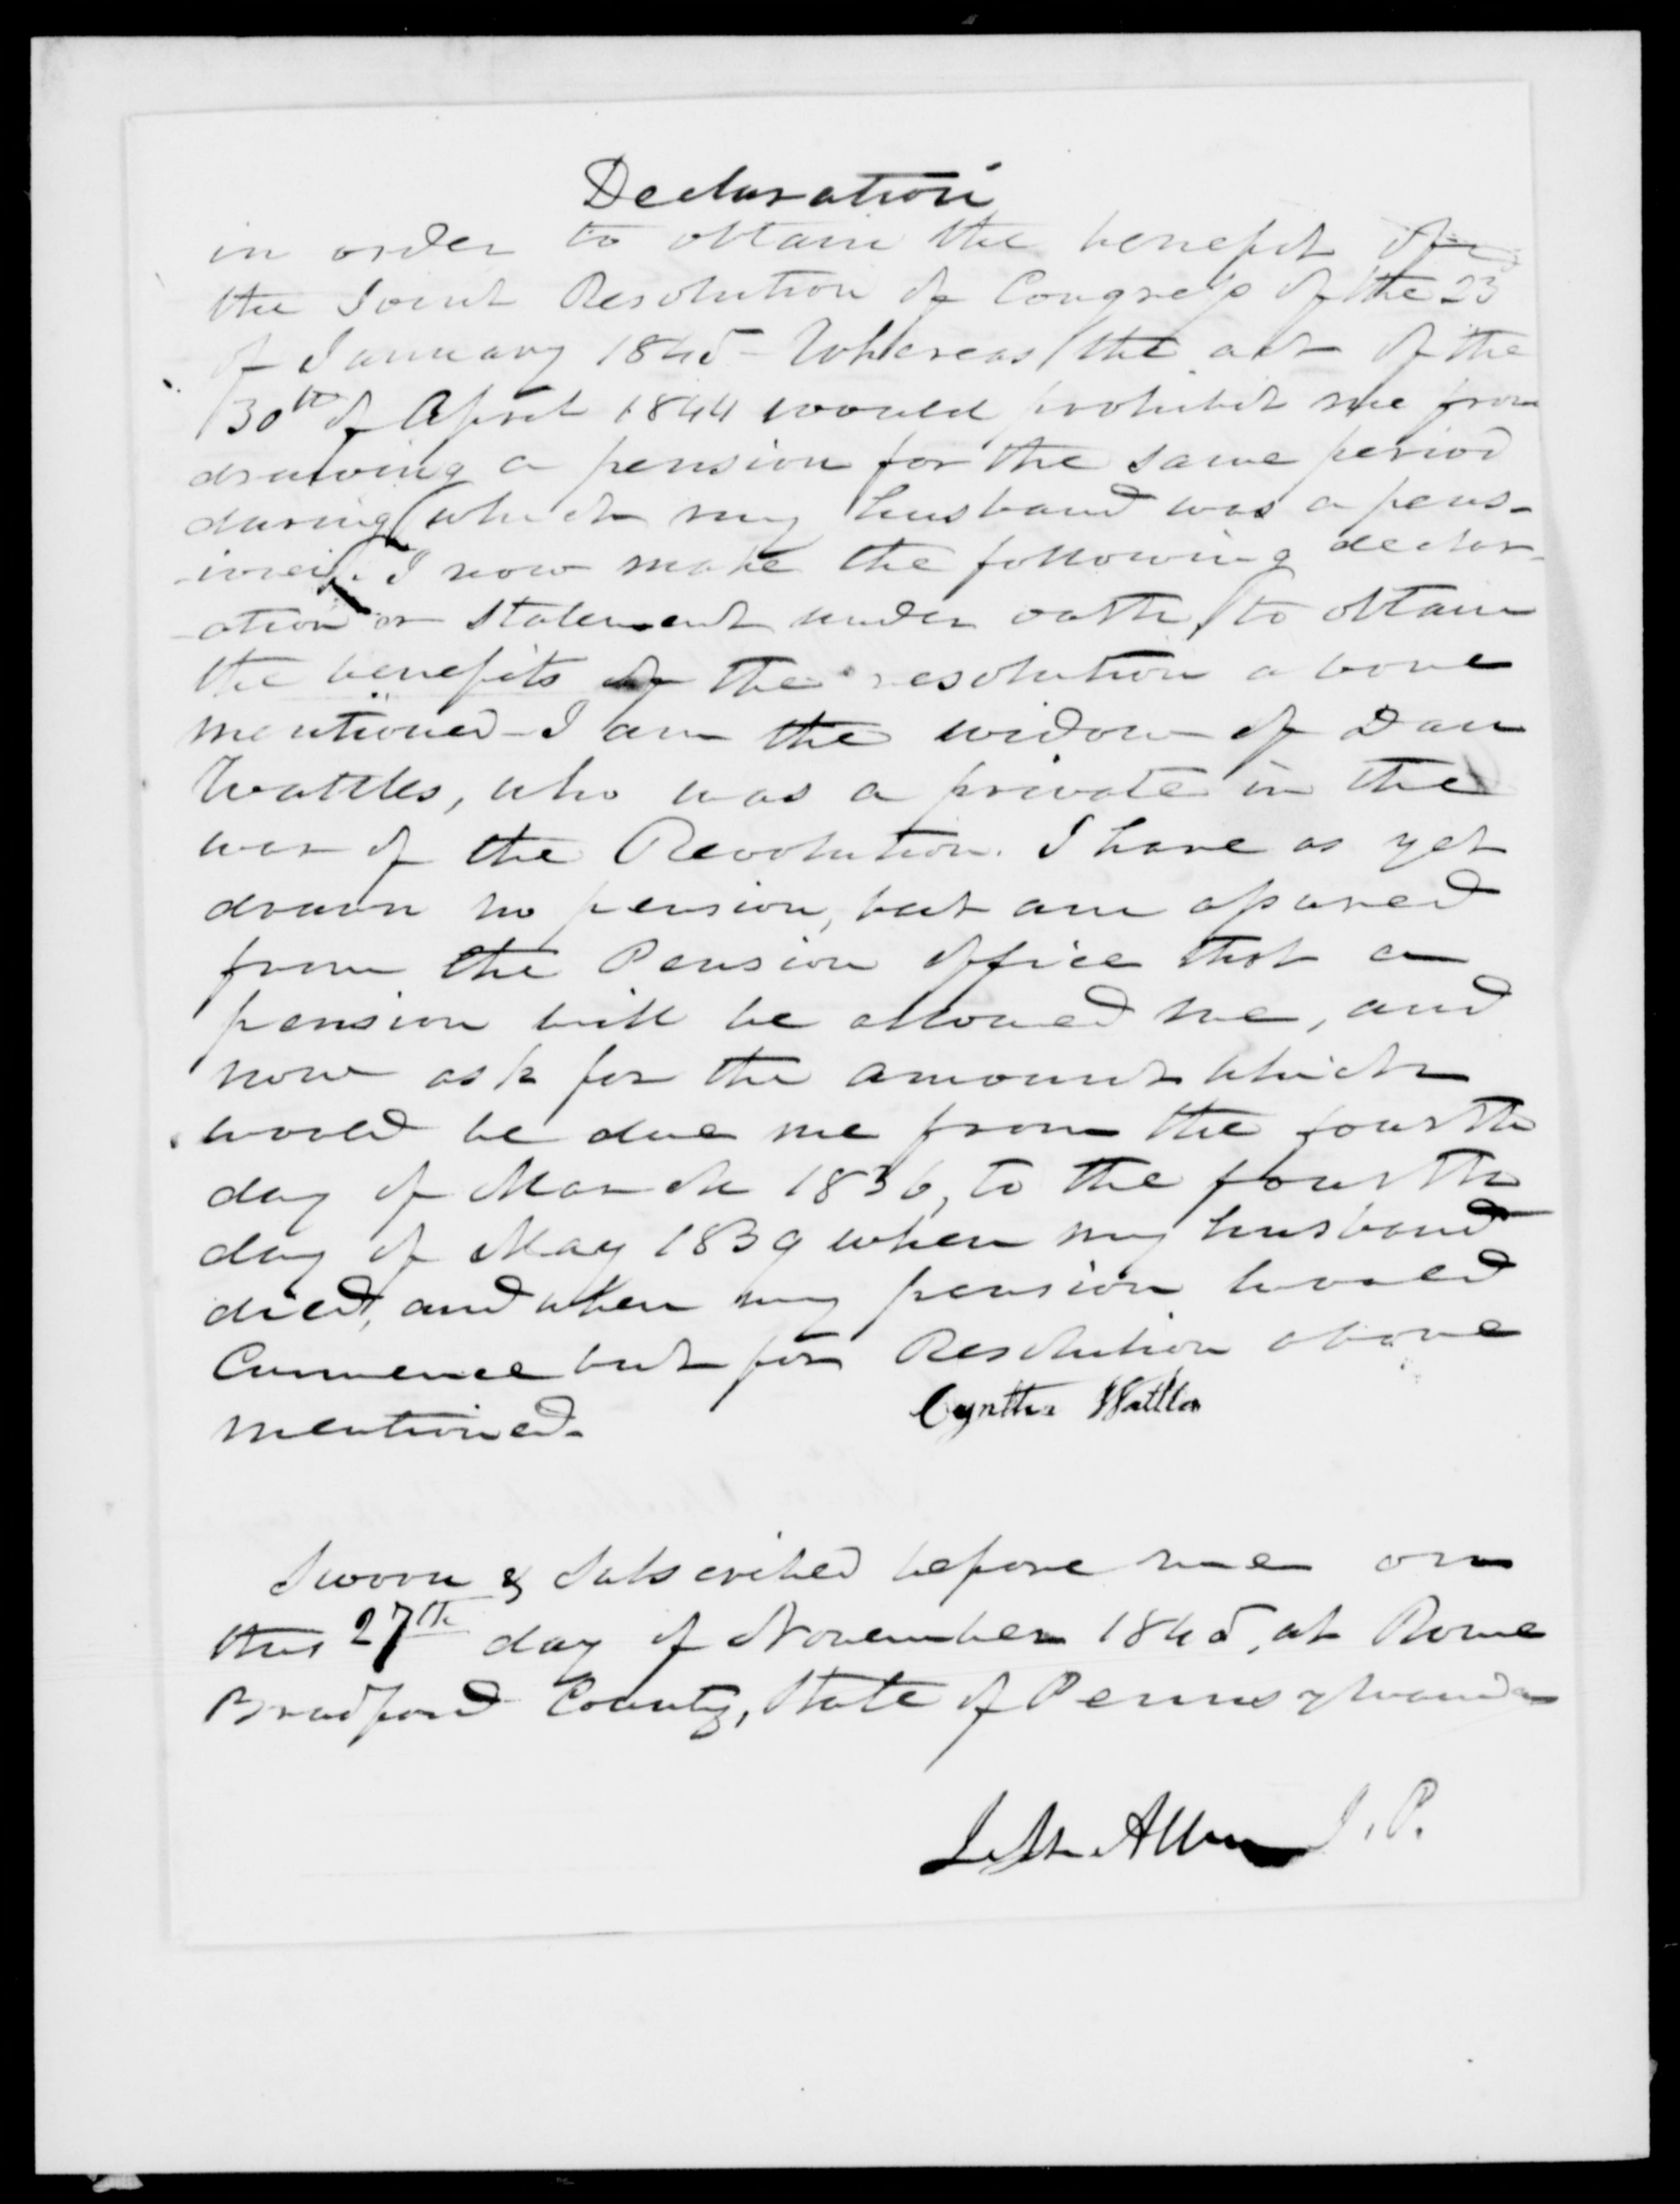Declaration
in order to obtain the benefit of the Joint Resolution of Congress of the 23 of January 1845. Whereas the act of the 30th of April 1844 would prohibit me from drawing a pension for the same period during which my husband was a pensioner. I now make the following declaration or statement under oath to obtain the benefits of the resolution above mentioned. I am the widow of Dan Wattles, who was a private in the war of the Revolution. I have as yet drawn no pension, but am apraised from the Pension office that a pension will be allowed me, and now ask for the amount which would be due me from the fourth day of March 1836, to the fourth day of May 1839 when my husband died, and when my pension would commence but for Resolution above mentioned
Cynth Wattles
Sworn & Subscribed before me on this 27th day of November 1843, at Rome
Bradford County, State of Pennsylvania
Jesse Allen J. P.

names: Jesse Allen, Cyntha Wattles, Dan Wattles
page: 66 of 70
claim: widow's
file: W. 3743, Dan Wattles, Conn.